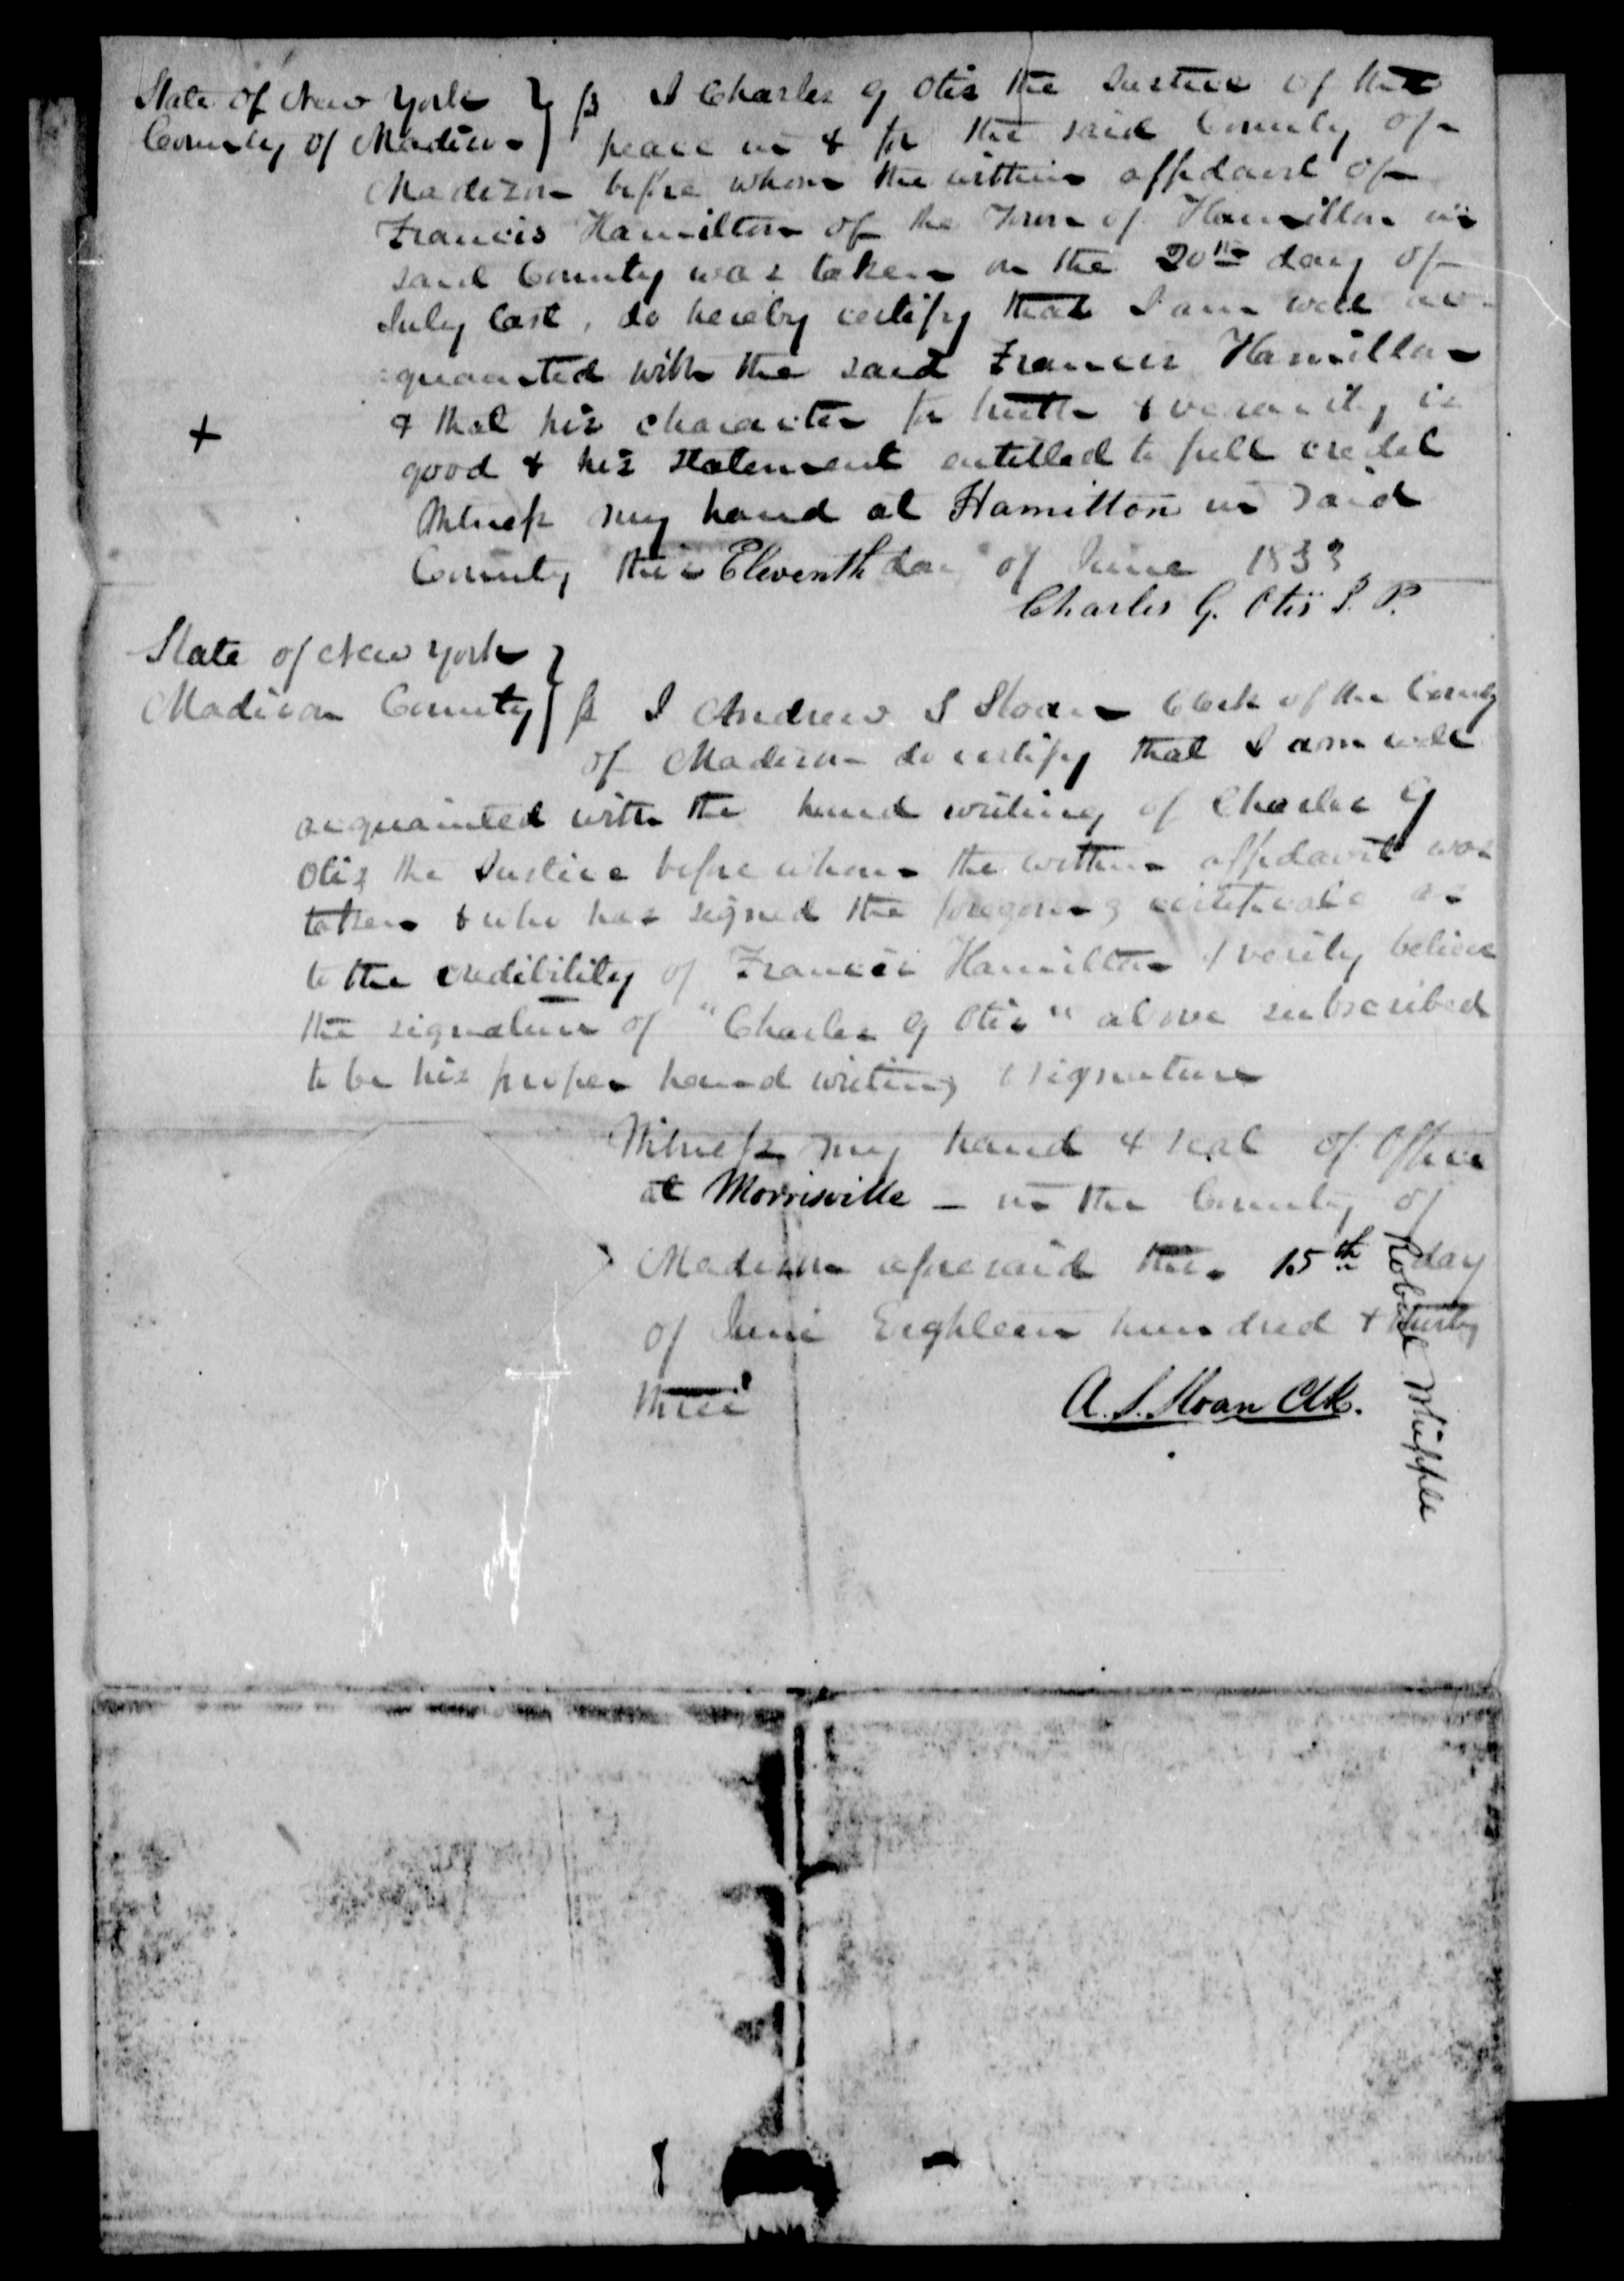State of New York}
County of Madison} SS
I Charles G Otis the Justice of the peace in & for the said County of Madison before whom the within affidavit of Francis Hamilton of the Town of Hamilton in said County was taken in the 20th day of July last, do hereby certify that I am well acquainted with the said Francis Hamilton & that his character for truth & veracity is good & his statement entitled to full credit 
witness my hand at Hamilton in said County this Eleventh day of June 1833
Charles G. Otis J. P.

State of New York}
Madison County}  SS
I Andrew S Sloan Clerk of the County of Madison do certify that I am well acquainted with the hand writing of Charles G Otis the Justice before whom the within affidavit was taken & who has signed the foregoing certificate as to the credibility of Francis Hamilton & verily believe the signature of "Charles G Otis" above subscribed to be his proper hand writing & signature
Witness my hand & seal of Office at Morrisville - in the County of Madison aforesaid the 15th day of June Eighteen hundred & thirty three

A. S. Sloan Clk.
[seal affixed to page]


[Robert Whipple written on bottom right margin]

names: Robert Whipple, Francis Hamilton, Andrew S Sloan, Charles G Otis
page: 4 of 18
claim: survivor's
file: S. 11731, Robert Whippel, Continental Mass R. I.